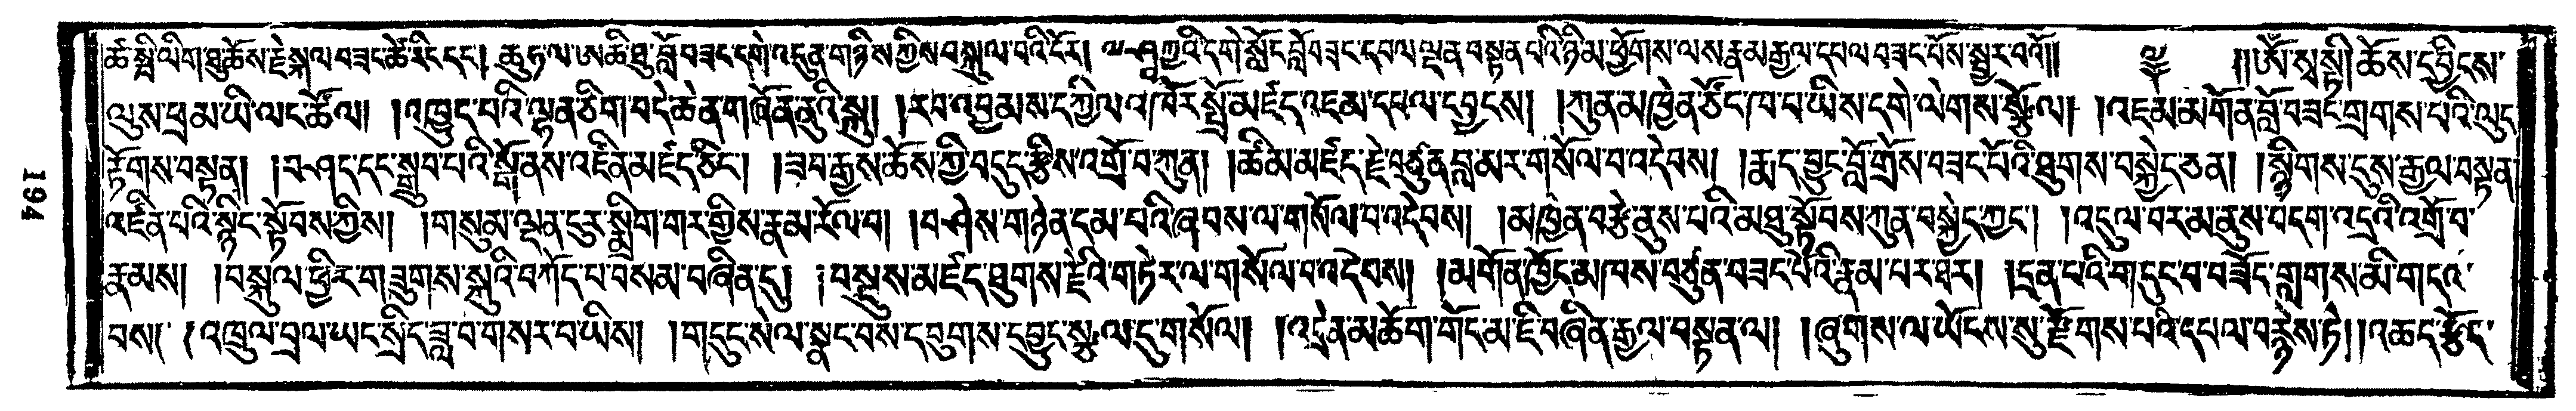ཚ་སྦི་ལིག་ཐུ་ཆོས་རྗེ་སྐལ་བཟང་ཚེ་རིང་དང་། ཆུ་ཧ་ལ་ཨ་ཆི་ཐུ་བློ་བཟང་དགེ་འདུན་གཉིས་ཀྱིས་བསྐུལ་བའི་ངོར། ༧་ཤཱཀྱའི་དགེ་སློང་བློ་བཟང་དཔལ་ལྡན་བསྟན་པའི་ཉི་མ་ཕྱོགས་ལས་རྣམ་རྒྱལ་དཔལ་བཟང་པོས་སྦྱར་བའོ།། ༈ །།ཨོཾ་སྭསྟི། ཆོས་དབྱིངས་
ལུས་ཕྲ་མ་ཡི་ལང་ཚོ་ལ། །འཁྱུད་པའི་ལྷན་ཅིག་བདེ་ཆེན་གཞོན་ནུའི་སྐུ། །རབ་འབྱམས་དཀྱིལ་འཁོར་སྤྲོ་མཛད་འཇམ་དཔལ་དབྱངས། །ཀུན་མཁྱེན་ཙོང་ཁ་པ་ཡིས་དགེ་ལེགས་སྩོལ། །འཇམ་མགོན་བློ་བཟང་གྲགས་པའི་ལུང་
རྟོགས་བསྟན། །བཤད་དང་སྒྲུབ་པའི་སྒོ་ནས་འཛིན་མཛད་ཅིང་། །ཟབ་རྒྱས་ཆོས་ཀྱི་བདུད་རྩིས་འགྲོ་བ་ཀུན། །ཚིམ་མཛད་རྗེ་བཙུན་བླ་མར་གསོལ་བ་འདེབས། །རྨད་བྱུང་བློ་གྲོས་བཟང་པོའི་ཐུགས་བསྐྱེད་ཅན། །སྙིགས་དུས་རྒྱལ་བསྟན་
འཛིན་པའི་སྙིང་སྟོབས་ཀྱིས། །གསུམ་ལྡན་དུར་སྨྲིག་གར་གྱིས་རྣམ་རོལ་བ། །བཤེས་གཉེན་དམ་པའི་ཞབས་ལ་གསོལ་བ་འདེབས། །མཁྱེན་བརྩེ་ནུས་པའི་མཐུ་སྟོབས་ཀུན་བསྐྱེད་ཀྱང་། །འདུལ་བར་མ་ནུས་བདག་འདྲའི་འགྲོ་བ་
རྣམས། །བསྐུལ་ཕྱིར་གཟུགས་སྐུའི་བཀོད་པ་བསམ་བཞིན་དུ། །བསྡུས་མཛད་ཐུགས་རྗེའི་གཏེར་ལ་གསོལ་བ་འདེབས། །མགོན་ཁྱོད་མཁས་བཙུན་བཟང་པོའི་རྣམ་པར་ཐར། །དྲན་པའི་གདུང་བ་བཟོད་གླགས་མི་གདའ་
བས༑ ༑འཁྲུལ་བྲལ་ཡང་སྲིད་ཟླ་བ་གསར་པ་ཡིས། །གདུང་སེལ་སྣང་བས་དབུགས་དབྱུང་སྩལ་དུ་གསོལ། །འདྲེན་མཆོག་གོང་མ་ཇི་བཞིན་རྒྱལ་བསྟན་ལ། །ཞུགས་ལ་ཡོངས་སུ་རྫོགས་པའི་དཔལ་བརྙེས་ཏེ། །འཆད་རྩོད་